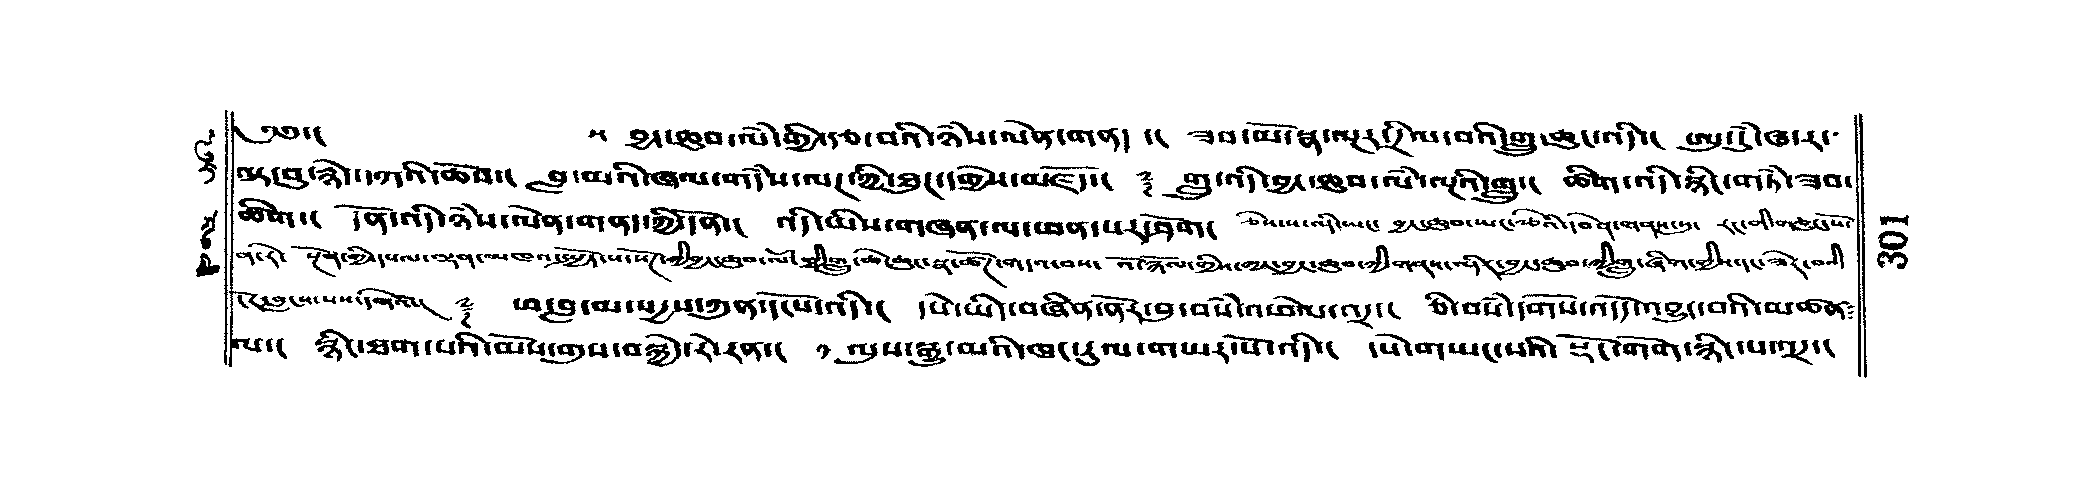༥ །བྱང་ཆུབ་ལམ་གྱི་རྩ་བའི་ཉམས་ལེན་གནད། །ཟབ་མོ་སྣ་ལྔར་དྲིལ་བའི་གླུ་ཆུང་འདི། །ཨུ་དུམ་ཝ་ར་
ལྟ་བུ་རྙེད་དཀའི་ཆོས། །བླ་མའི་ཞལ་གདམས་ལགས་ཀྱི་ཐུགས་དགྱེས་མཛོད། །གླུ་འདི་བྱང་ཆུབ་ལམ་ལྔའི་གླུ། །ཚིག་འདི་སྙིང་གཏམ་ཟབ་
མོའི་ཚིག།དོན་འདི་ཉམས་ལེན་གནད་ཀྱི་དོན། །འདི་ཡིས་གཞན་ལ་ཕན་པར་ཤོག ཅེས་པ་འདི་ཡང་བྱང་ཆུབ་ཡང་རྩེའི་དབེན་གནས་སུ། རང་གི་གཅུང་པོ་
ན་རེ། སྔོན་གྱི་དཔལ་ལྡན་མཁའ་སྤྱོད་པ་སོགས་ཀྱི་བྱང་ཆུབ་ལམ་གྱི་གླུ་ཆེ་ཆུང་སྣ་ཚོགས་གདའ་བས། འོ་སྐོལ་གྱིས་ཀྱང་བྱང་ཆུབ་ཀྱི་གནས་འདིར་བྱང་ཆུབ་ཀྱི་གླུ་ཞིག་གྱིས་དང་ཟེར་བའི་
ངོར་བླངས་པ་དགེའོ།། ༈ ཕ་བླ་མ་སངས་རྒྱས་ཀུན་དངོས་འདི། །དཔེ་ཡིད་བཞིན་ནོར་བུ་བསམ་འཕེལ་འདྲ། །ཅི་བསམ་དགོས་འདོད་འབྱུང་བའི་མཚན་
ལ། །སྙིང་ཐག་པའི་མོས་གུས་བསྐྱེད་རེ་རན། ༡ །ལུས་སྒྱུ་མའི་ཁང་རུལ་གཡར་པོ་འདི། །དཔེ་གཡང་སའི་སྡོང་གོག་རྙིང་པ་འདྲ།